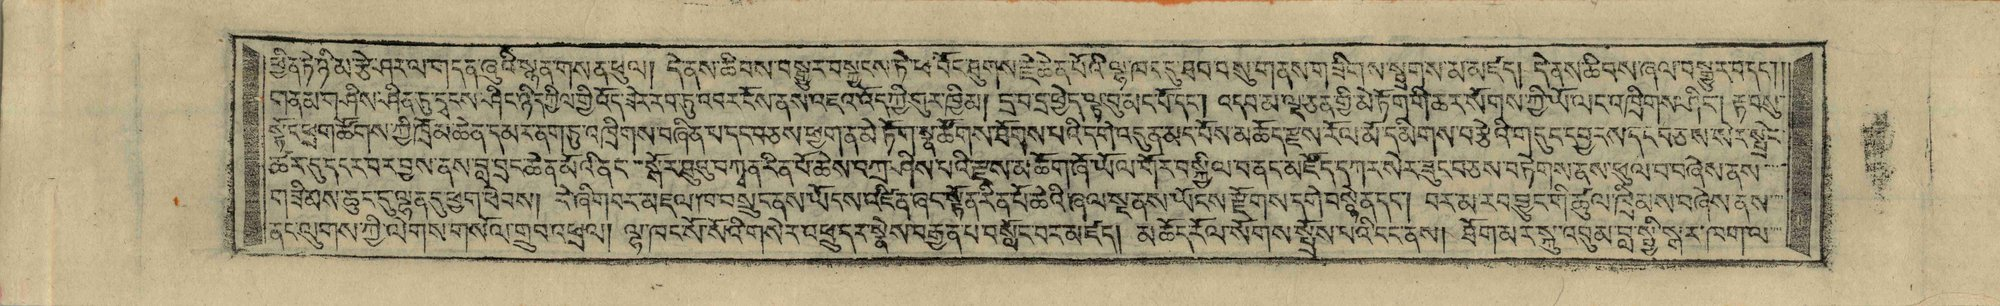ཕྱིན་ཏེ་ཉི་མ་རྩེ་ཤར་ལ་གདན་ཞུའི་སྙན་གསན་ཕུལ། དེ་ནས་ཆིབས་བསྒྱུར་བསྐྱངས་ཏེ་ཕ་བོང་ཐུགས་རྗེ་ཆེན་པོའི་ལྷ་ཁང་དུ་ཐབ་བསུ་གནས་གཟིགས་སྦྲགས་མ་མཛད། དེ་ནས་ཆིབས་ཞལ་བསྒྱུར་བ་དང།།
གནམ་གཤིས་ཤིན་ཏུ་དྭངས་ཤིང་ཉི་དཀྱིལ་གྱི་འོད་ཟེར་རབ་ཏུ་འབར་ངོས་ནས་འཇའ་འོད་ཀྱི་གུར་ཁྱིམ། དྲ་བ་དྲ་ཕྱེད་ལྟ་བུ་མང་པོ་དང་། འདབ་མ་ལྔ་ཅན་གྱི་མེ་ཏོག་གི་ཆར་སོགས་ཀྱི་ཡོ་ལང་འཁྲིགས་ཤིང་། རྟ་བསུ་
སྟོང་ཕྲག་ཚོགས་ཀྱི་ཁྲོམ་ཆེན་དམར་ནག་ཏུ་འཁྲིགས་བཞིན་པ་དང་བཅས་ཕྱག་ན་མེ་ཏོག་སྣ་ཚོགས་ཐོགས་པའི་དགེ་འདུན་མང་པོས་མཆོད་རྫས་རོལ་མོ་དམིགས་བརྩེའི་གདུང་དབྱངས་དང་བཅས་སེར་སྤྲེང་
ཚར་དུ་དངར་བར་བྱས་ནས་བླ་བྲང་ཆེན་མོའི་ནང་སྒོར་ཐུའུ་བཀྭན་རིན་པོ་ཆེས་བཀྲ་ཤིས་པའི་རྫས་མཆོག་ཞོ་ཡོལ་གོར་བསྐྱིལ་བ་ནང་མཛོད་དཀར་སེར་ཟུང་བཅས་བཏེགས་ནས་ཕུལ་བ་བཞེས་ནས་
གཟིམས་ཆུང་དུ་ལྷན་དུ་ཕྱག་ཕེབས། རེ་ཞིག་བར་མཇལ་ཁ་བསྲུང་ནས་ཡོངས་འཛིན་ཞང་སྟོན་རིན་པོ་ཆེའི་ཞལ་སྔ་ནས་ཡོངས་རྫོགས་དགེ་བསྙེན་དང་། བར་མ་རབ་བྱུང་གི་ཚུལ་ཁྲིམས་བཞེས་ནས་
ནང་ལུགས་ཀྱི་ལེགས་གསོལ་གྲུབ་འཕྲལ། ལྷ་ཁང་སོ་སོའི་གསེར་འཕྲུ་དར་སྣེས་བརྒྱན་པ་བསློང་བར་མཛད། མཆོད་རོལ་སོགས་སྤྲོས་པའི་ངང་ནས། ཐོག་མར་སྐུ་འབུམ་བླ་སྤྱི་སྒར་ཁག་ལ་